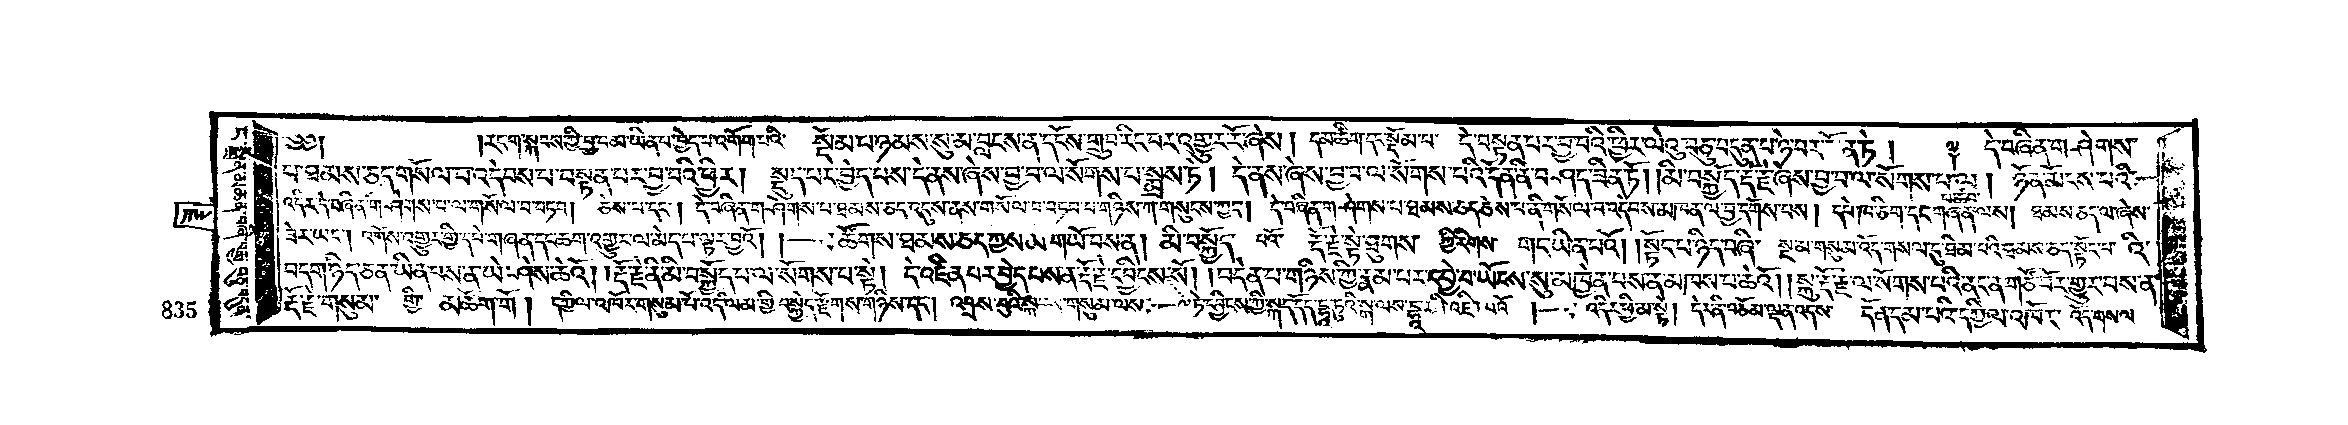༄༅། །རང་གི་སྐབས་ཀྱི་བྱ་བ་མ་ཡིན་པ་བྱེད་པ་འགོག་པའི་སྡོམ་པ་ཉམས་སུ་མ་བླངས་ན་དངོས་གྲུབ་རིང་བར་འགྱུར་རོ་ཞེས། དམ་ཚིག་དང་སྡོམ་པ་དེ་བསྟན་པར་བྱ་བའི་ཕྱིར་ལེའུ་བཅུ་བདུན་པ་ཉེ་བར་སྟོན་ཏེ། ༈ དེ་བཞིན་གཤེགས་
པ་ཐམས་ཅད་གསོལ་བ་འདེབས་པ་བསྟན་པར་བྱ་བའི་ཕྱིར། སྡུད་པར་བྱེད་པས་དེ་ནས་ཞེས་བྱ་བ་ལ་སོགས་པ་སྨྲས་ཏེ། དེ་ནས་ཞེས་བྱ་བ་ལ་སོགས་པའི་དོན་ནི་བཤད་ཟིན་ཏོ། །མི་བསྐྱོད་རྡོ་རྗེ་ཞེས་བྱ་བ་ལ་སོགས་པ་ལ། ཉོན་མོངས་པའི་H.
འདིར་དེ་བཞིན་གཤེགས་པ་ལ་གསོལ་བ་བཏབ། ཅེས་པ་དང་། དེ་བཞིན་གཤེགས་པ་ཐམས་ཅད་འདུས་ནས་གསོལ་བ་བཏབ་པ་གཉིས་ཀ་གསུངས་ཀྱང་། དེ་བཞིན་གཤེགས་པ་ཐམས་ཅད་ཅེས་པ་ནི་གསོལ་བ་འདེབས་མཁན་ལ་བྱ་དགོས་པས། དཔེ་ཁ་ཅིག་དང་གཞན་པ་ཚབ་ལས། ཐམས་ཅད་ལ་ཞེས་
ཟེར་ཡང་། འགོས་འགྱུར་གྱི་དཔེ་གཞན་དང་ཆག་འགྱུར་ལ་མེད་པ་ལྟར་བྱའོ། །.Hཚོགས་ཐམས་ཅད་ཀྱིས་མི་གཡོ་བས་ན། མི་བསྐྱོད་པའོ་རྡོ་རྗེ་སྟེ་ཐུགས་ཀྱི་རིགས་གང་ཡིན་པའོ། །སྟོང་པ་ཉིད་བཞི་སྔ་མ་གསུམ་འོད་གསལ་དུ་ཐིམ་པའི་ཐམས་ཅད་སྟོང་པའི་
བདག་ཉིད་ཅན་ཡིན་པས་ན་ཡེ་ཤེས་ཆེའོ། །རྡོ་རྗེ་ནི་མི་བསྐྱོད་པ་ལ་སོགས་པ་སྟེ། དེ་འཛིན་པར་བྱེད་པས་ན་རྡོ་རྗེ་དབྱིངས་སོ། །བདེན་པ་གཉིས་ཀྱི་རྣམ་པར་དབྱེ་བ་ཡོངས་སུ་མཁྱེན་པས་ན་མཁས་པ་ཆེའོ། །སྐུ་རྡོ་རྗེ་ལ་སོགས་པའི་ནང་ན་གཙོ་བོར་གྱུར་བས་ན་
རྡོ་རྗེ་གསུམ་གྱི་མཆོག་གོ། དཀྱིལ་འཁོར་གསུམ་པོ་འདི་ལམ་གྱི་བསྐྱེད་རྫོགས་གཉིས་དང་། འབྲས་བུའི་སྐབས་གསུམ་ལས་H.་༧ཏེ་དབྱིངས་ཀྱི་སྐད་དོད་དྷཱ་ཏུའི་སྒྲ་ལས་དྷཱ་ར་ནི་འཛིན་པའོ། ། .H འདིར་ཕྱི་མ་སྟེ། དེར་ནི་བཅོམ་ལྡན་འདས་དོན་དམ་པའི་དཀྱིལ་འཁོར་འོད་གསལ